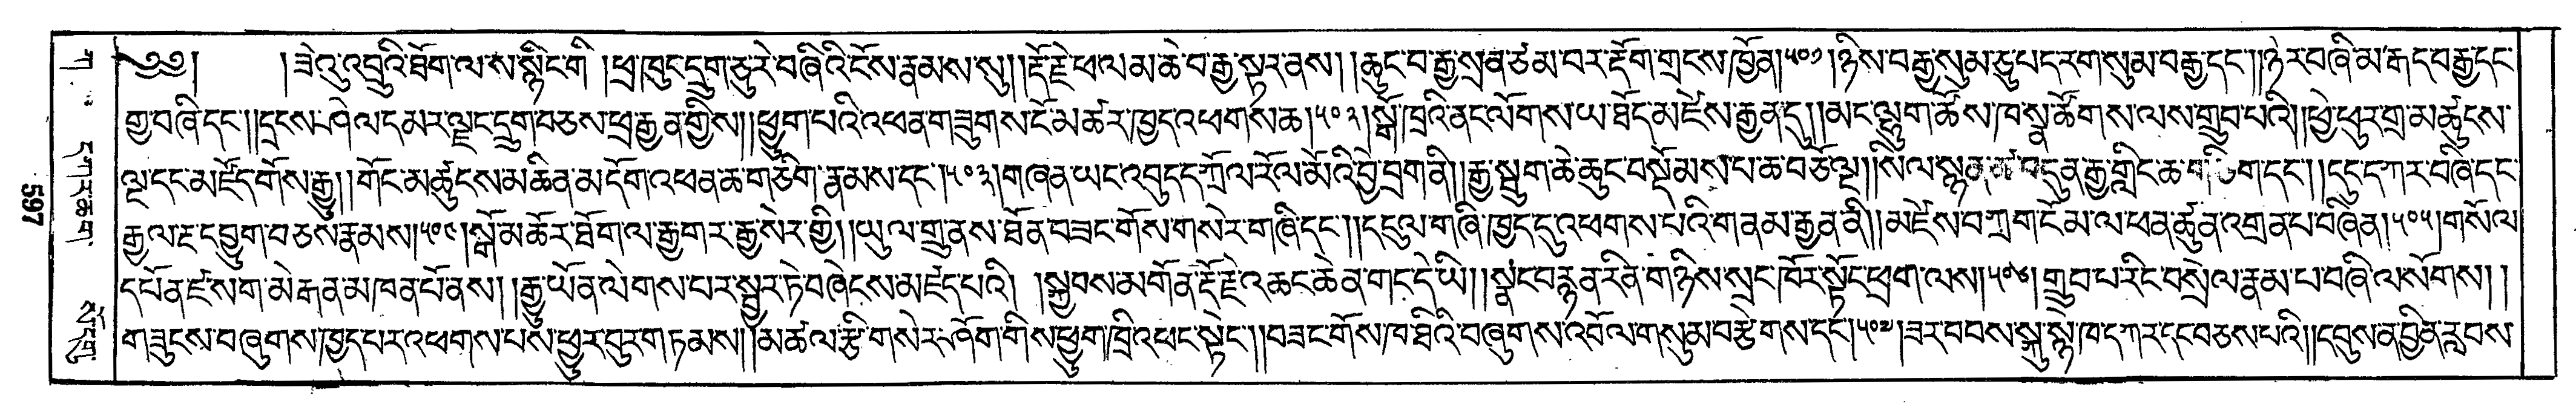༄༅། །ཟེའུ་འབྲུའི་ཐོག་ལས་སྙིང་གི །ཕྲ་ཕུང་དྲུག་ཅུ་རེ་བཞིའི་ངོས་རྣམས་སུ། །རྡོ་རྗེ་ཕལ་མ་ཆེ་བརྒྱ་སྟར་ནས། །ཆུང་བརྒྱ་སྲན་ཙམ་བར་རྡོག་གྲངས་ཁྱོན། ༥༠༡་།ཉིས་བརྒྱ་སུམ་ཅུ་པད་ར་གསུམ་བརྒྱ་དང་། །ཉེར་བཞི་མ་རྒང་བརྒྱ་དང་
གྱ་བཞི་དང་། །དྭངས་ཤེལ་དམར་ལྗང་དྲུག་བཅས་ཕྲ་རྒྱན་གྱིས། །ཕྱུག་པའི་ཕན་གཟུགས་ངོ་མཚར་ཁྱད་འཕགས་ཆ། ༥༠༢། སྒོ་ཁྲའི་ནང་ལོག་ཡ་ཐོང་མཛེས་རྒྱན་དུ། །མང་ལྷུག་ཚོས་ཁ་སྣ་ཚོགས་ལས་གྲུབ་པའི། །ཕྱེ་ཕུར་གྲ་མཚུངས་
ལྔ་དང་མཛོད་གོས་རྒྱུ། །གོང་མཚུངས་མཚོན་མདོག་འཕན་ཆ་གཅིག་རྣམས་དང་། ༥༠༣་།གཞན་ཡང་འབུད་དཀྲོལ་རོལ་མོའི་བྱེ་བྲག་ནི། །རྒྱ་སྦུག་ཆེ་ཆུང་བསྡོམས་པ་ཆ་བཅོ་ལྔ། །སིལ་སྙན་ཆ་བདུན་རྒྱ་གླིང་ཆ་གཅིག་དང་། །དུང་དཀར་བཞི་དང་
རྒྱལ་རྔ་དབྱུག་བཅས་རྣམས། ༥༠༤་།སྒོ་མཆོར་ཐོག་ལ་རྒྱ་གར་རྒྱ་སེར་གྱི། །ཡུལ་གྲུ་ནས་ཐོན་བཟང་གོས་གསེར་གཞི་དང་། །དངུལ་གཞི་ཁྱད་དུ་འཕགས་པའི་གནམ་རྒྱན་ནི། །མཛེས་བཀྲག་ངོམ་ལ་ཕན་ཚུན་འགྲན་པ་བཞི་ན། ༥༠༥་།གསོལ་
དཔོན་ཛ་སག་མེ་རྒན་མཁན་པོ་ནས། །རྒྱུ་ཡོན་ལེགས་པར་སྦྱར་ཏེ་བཞེངས་མཛད་པའི། །སྐྱབས་མགོན་རྡོ་རྗེ་འཆང་ཆེན་གང་དེ་ཡི། །སྣང་བརྙན་རིན་གཉིས་སྲང་ཁོར་སྟོང་ཕྲག་ལས། ༥༠༦་།གྲུབ་པ་རིང་བསྲེལ་རྣམ་པ་བཞི་ལ་སོགས།།
གཟུངས་བཞུགས་ཁྱད་པར་འཕགས་པས་ཕྱུར་བུར་གཏམས། །མཚལ་རྩི་གསེར་ཤོག་གིས་ཕྱུག་ཁྲི་འཕང་སྟེང་། །བཟང་གོས་ཁ་ཐིའི་བཞུགས་འབོལ་གསུམ་བརྩེགས་དང་། ༥༠༧་།ཟར་བབས་སྐུ་སྙེ་ཁ་དཀར་དང་བཅས་པའི། །དབུས་ན་བྱིན་རླབས་